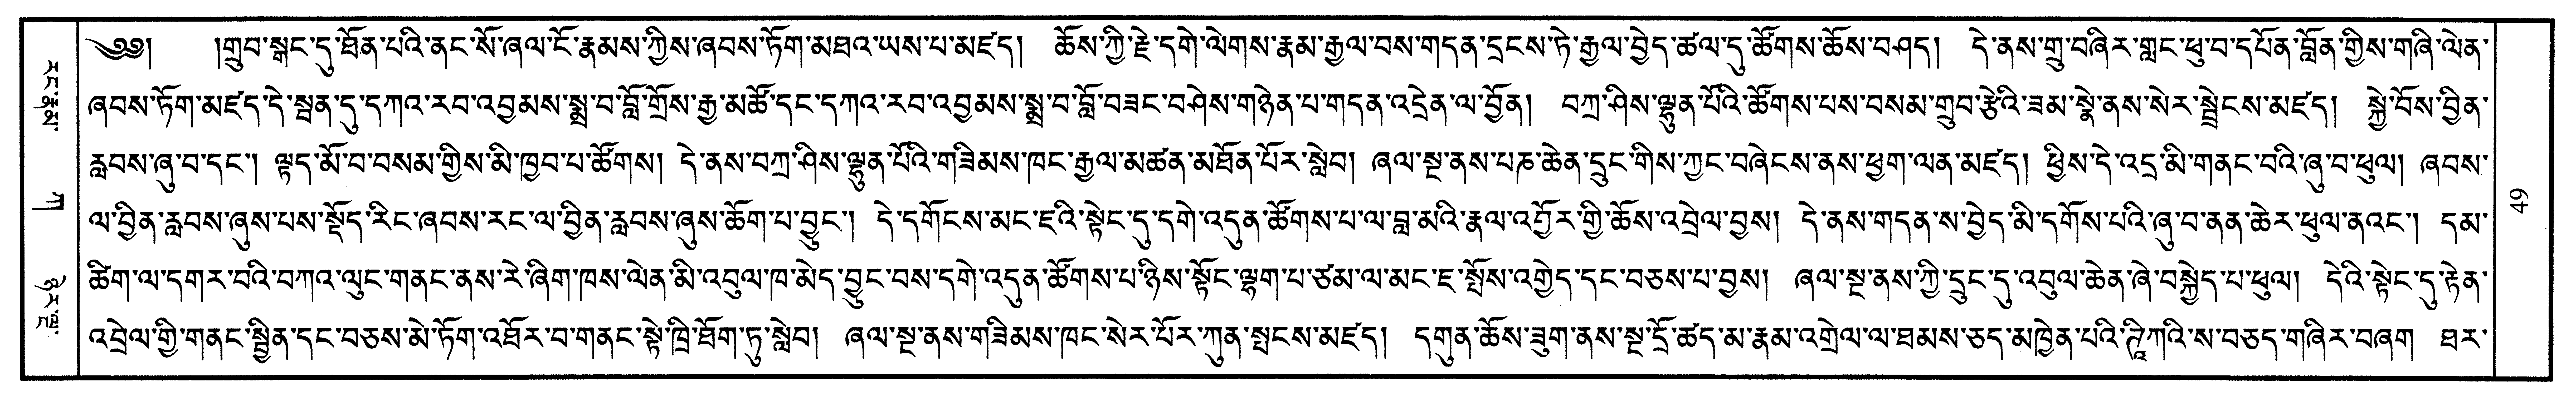༄༅། །གྲུབ་སྒང་དུ་ཐོན་པའི་ནང་སོ་ཞལ་ངོ་རྣམས་ཀྱིས་ཞབས་ཏོག་མཐའ་ཡས་པ་མཛད། ཆོས་ཀྱི་རྗེ་དགེ་ལེགས་རྣམ་རྒྱལ་བས་གདན་དྲངས་ཏེ་རྒྱལ་བྱེད་ཚལ་དུ་ཚོགས་ཆོས་བཤད། དེ་ནས་གྲུབ་ཞིར་གླང་ཕུ་བ་དཔོན་བློན་གྱིས་གཞི་ལེན་
ཞབས་ཏོག་མཛད་དེ་སྦན་དུ་དཀའ་རབ་འབྱམས་སྨྲ་བ་བློ་གྲོས་རྒྱ་མཚོ་དང་དཀའ་རབ་འབྱམས་སྨྲ་བ་བློ་བཟང་བཤེས་གཉེན་པ་གདན་འདྲེན་ལ་བྱོན། བཀྲ་ཤིས་ལྷུན་པོའི་ཚོགས་པས་བསམ་གྲུབ་རྩེའི་ཟམ་སྣེ་ནས་སེར་སྦྲེངས་མཛད། སྐྱེ་བོས་བྱིན་
རླབས་ཞུ་བ་དང་། ལྟད་མོ་བ་བསམ་གྱིས་མི་ཁྱབ་པ་ཚོགས། དེ་ནས་བཀྲ་ཤིས་ལྷུན་པོའི་གཟིམས་ཁང་རྒྱལ་མཚན་མཐོན་པོར་སླེབ། ཞལ་སྔ་ནས་པཎ་ཆེན་དྲུང་གིས་ཀྱང་བཞེངས་ནས་ཕྱག་ལན་མཛད། ཕྱིས་དེ་འདྲ་མི་གནང་བའི་ཞུ་བ་ཕུལ། ཞབས་
ལ་བྱིན་རླབས་ཞུས་པས་སྡོད་རིང་ཞབས་རང་ལ་བྱིན་རླབས་ཞུས་ཆོག་པ་བྱུང་། དེ་དགོངས་མང་ཇའི་སྟེང་དུ་དགེ་འདུན་ཚོགས་པ་ལ་བླ་མའི་རྣལ་འབྱོར་གྱི་ཆོས་འབྲེལ་བྱས། དེ་ནས་གདན་ས་བྱེད་མི་དགོས་པའི་ཞུ་བ་ནན་ཆེར་ཕུལ་ནའང་། དམ་
ཚིག་ལ་དགར་བའི་བཀའ་ལུང་གནང་ནས་རེ་ཞིག་ཁས་ལེན་མི་འབུལ་ཁ་མེད་བྱུང་བས་དགེ་འདུན་ཚོགས་པ་ཉིས་སྟོང་ལྷག་པ་ཙམ་ལ་མང་ཇ་སྤོས་འགྱེད་དང་བཅས་པ་བྱས། ཞལ་སྔ་ནས་ཀྱི་དྲུང་དུ་འབུལ་ཆེན་ཞེ་བསྐྱེད་པ་ཕུལ། དེའི་སྟེང་དུ་རྟེན་
འབྲེལ་གྱི་གནང་སྦྱིན་དང་བཅས་མེ་ཏོག་འཐོར་བ་གནང་སྟེ་ཁྲི་ཐོག་ཏུ་སླེབ། ཞལ་སྔ་ནས་གཟིམས་ཁང་སེར་པོར་ཀུན་སྤངས་མཛད། དགུན་ཆོས་ཟུག་ནས་སྔ་དྲོ་ཚད་མ་རྣམ་འགྲེལ་ལ་ཐམས་ཅད་མཁྱེན་པའི་ཊཱིཀའི་ས་བཅད་གཞིར་བཞག་ཐར་